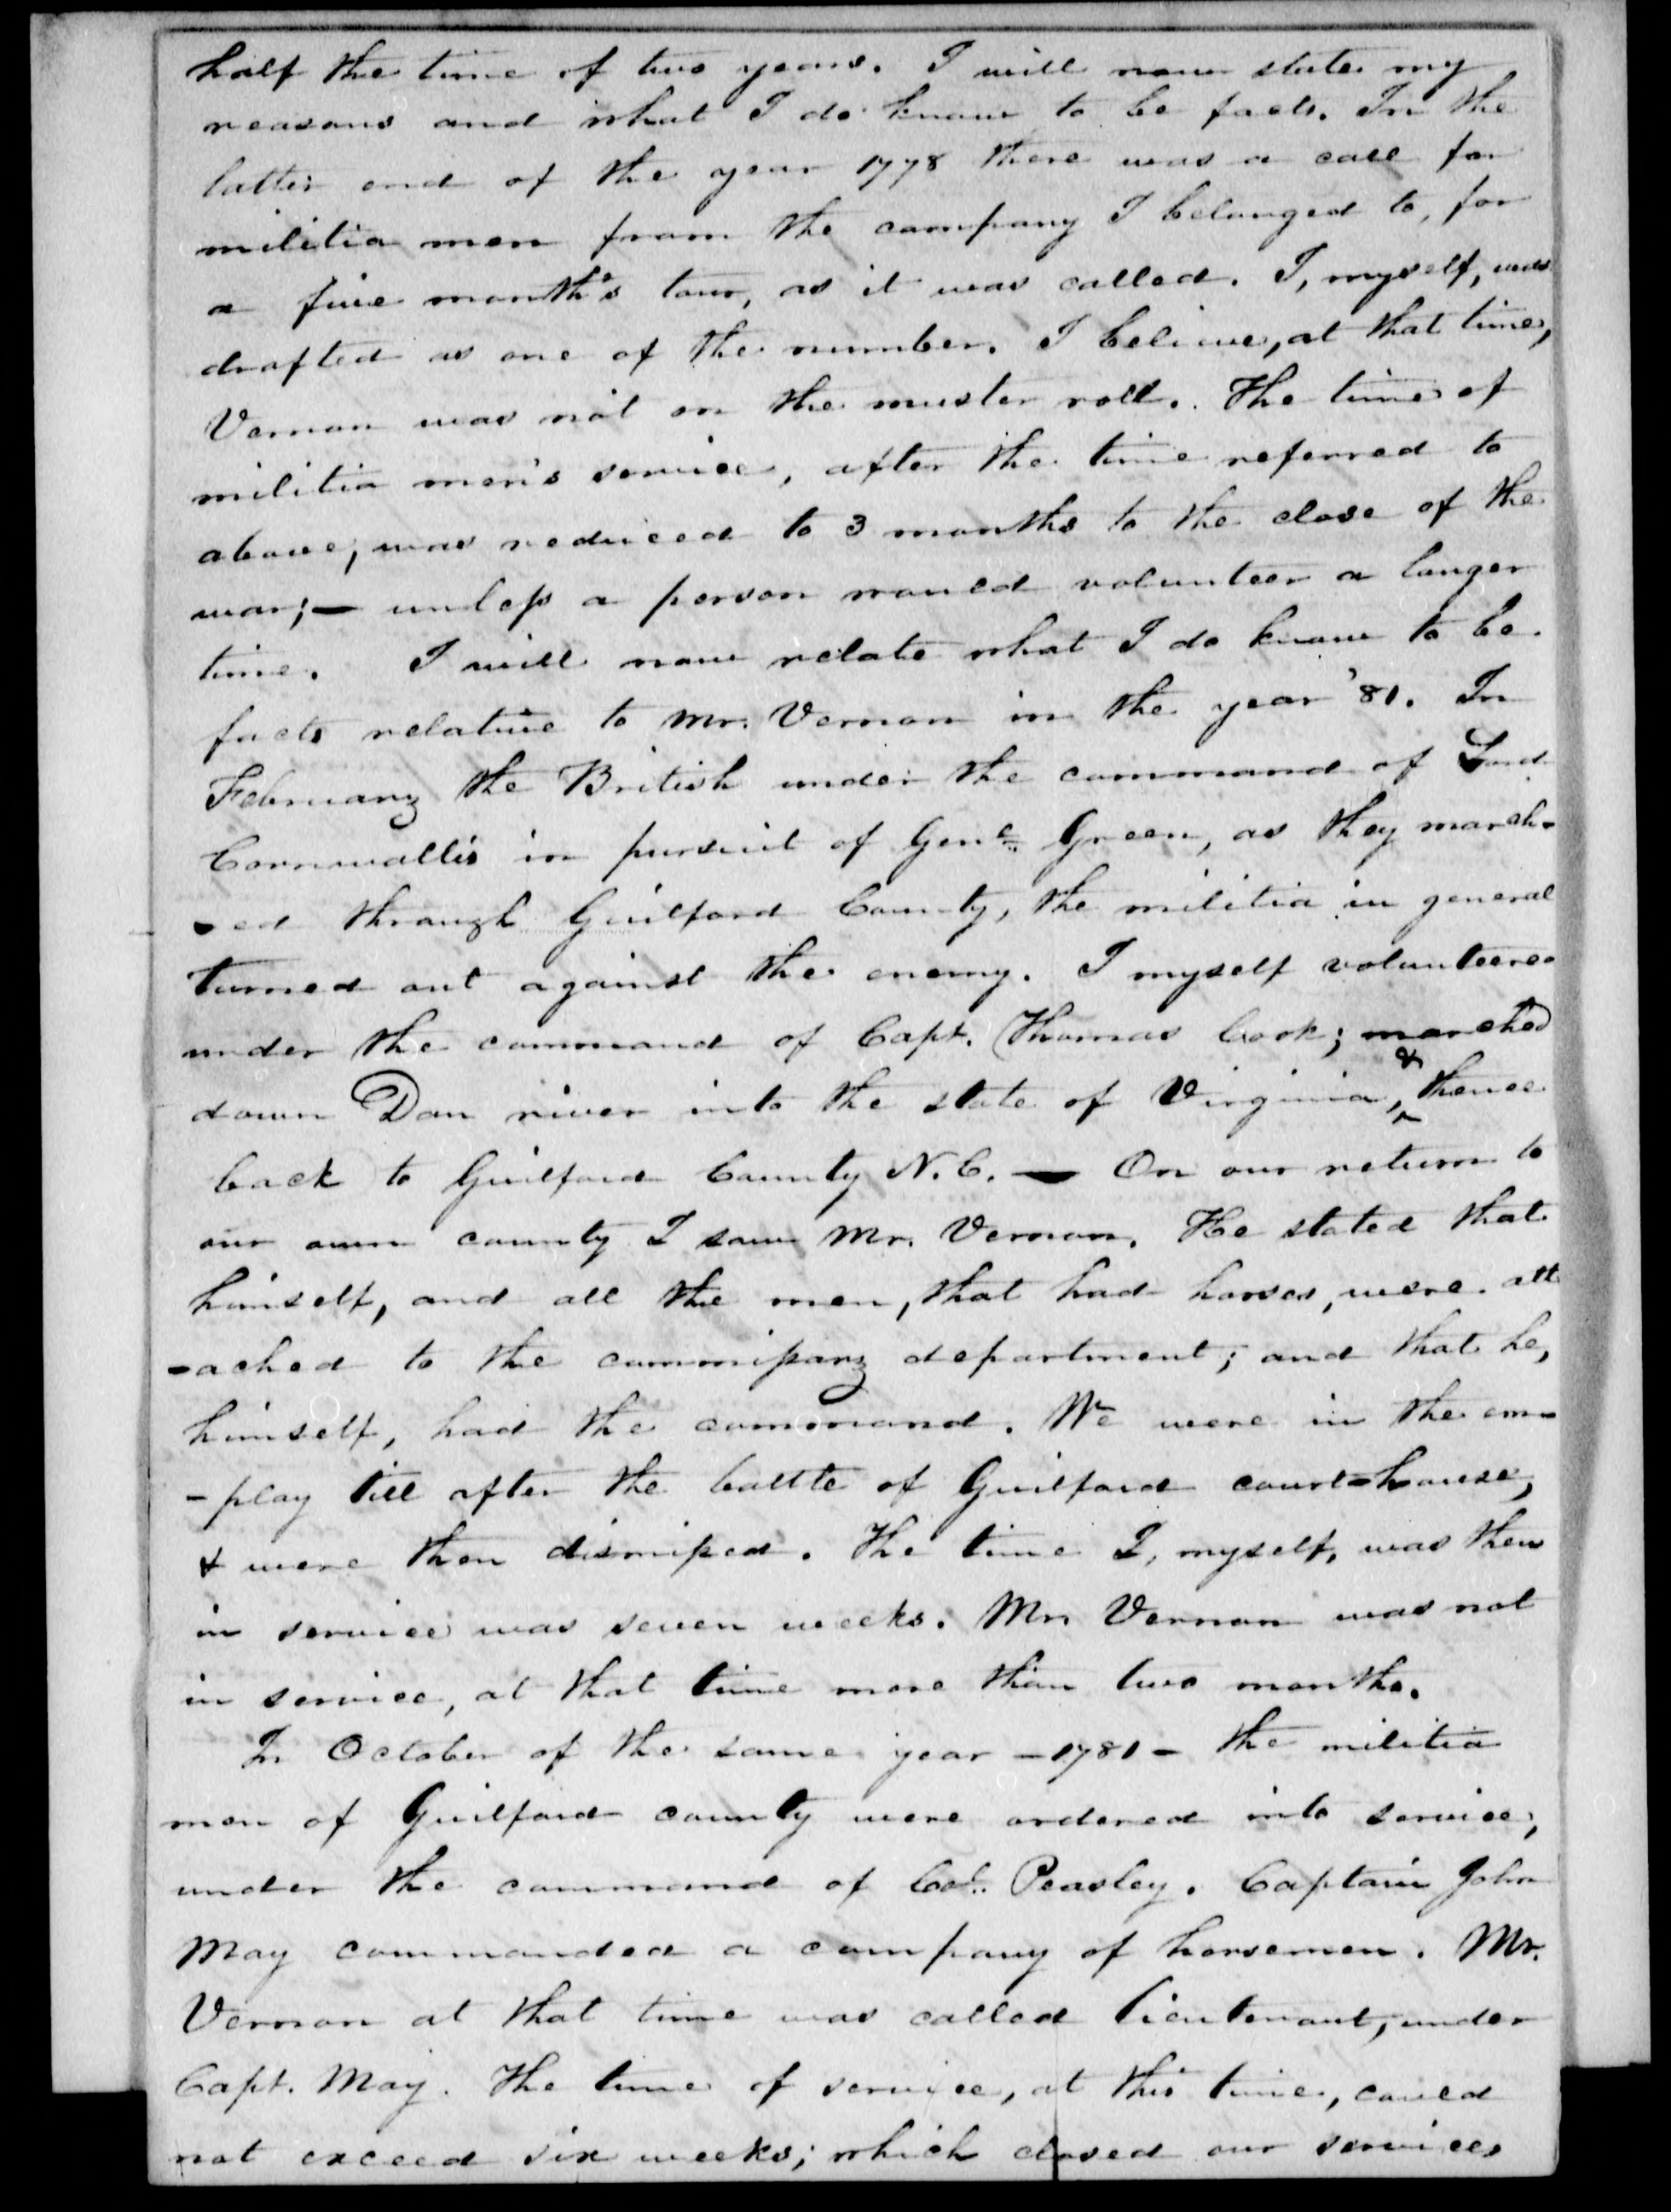half the time of two years. I will now state my reasons and what I do know to be facts. In the latter end of the year 1778 there was a call for militia men from the company I belonged to, for a five months tour, as it was called.  I, myself, was drafted as one of the numbers.  I believe, at that time, Vernon was not on the muster roll.  The time of militia men’s service, after the time referred to above, now reduced to 3 months to the close of the war; unless a person would volunteer a longer time. I will now relate what I do know to be fact relative to Mr. Vernon in the year. ’81. In February the British under the command of Lord Cornwallis in pursuit of Genl. Green, as they marched through Guildford County, the militia in general turned out against the enemy.  I myself a volunteer under the command of Capt. Thomas Cook; marched down Dan river into the state of Virginia, & there back to Guilford County N.C. – On our return to our own county I saw Mr. Vernon. He stated that himself, and all the men, that had horses, were attached to the commissary department; and that he, himself, has the command. We were in the employ till after the battle of Guildford court-house, & were then dismissed.  The time I, myself, was then in service was seven weeks.  Mr. Vernon was not in service, at that time more than two months.
In October of the same year – 1781 – the militia men of Guildford county were ordered into services; under the command of Col. Peasley, Captain John May commanded a company of horsemen; Mr. Vernon at that time was called lieutenant, under Capt. May. The time of service, at this time, could not exceed six weeks; which closed our services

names: May, Green, Vernon, Vernon, Vernon, Cornwallis, Varnon, Peasley, Vernon, John May, Thomas Cook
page: 47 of 105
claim: survivor's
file: S. 1883, Richard Vernon, N.C.